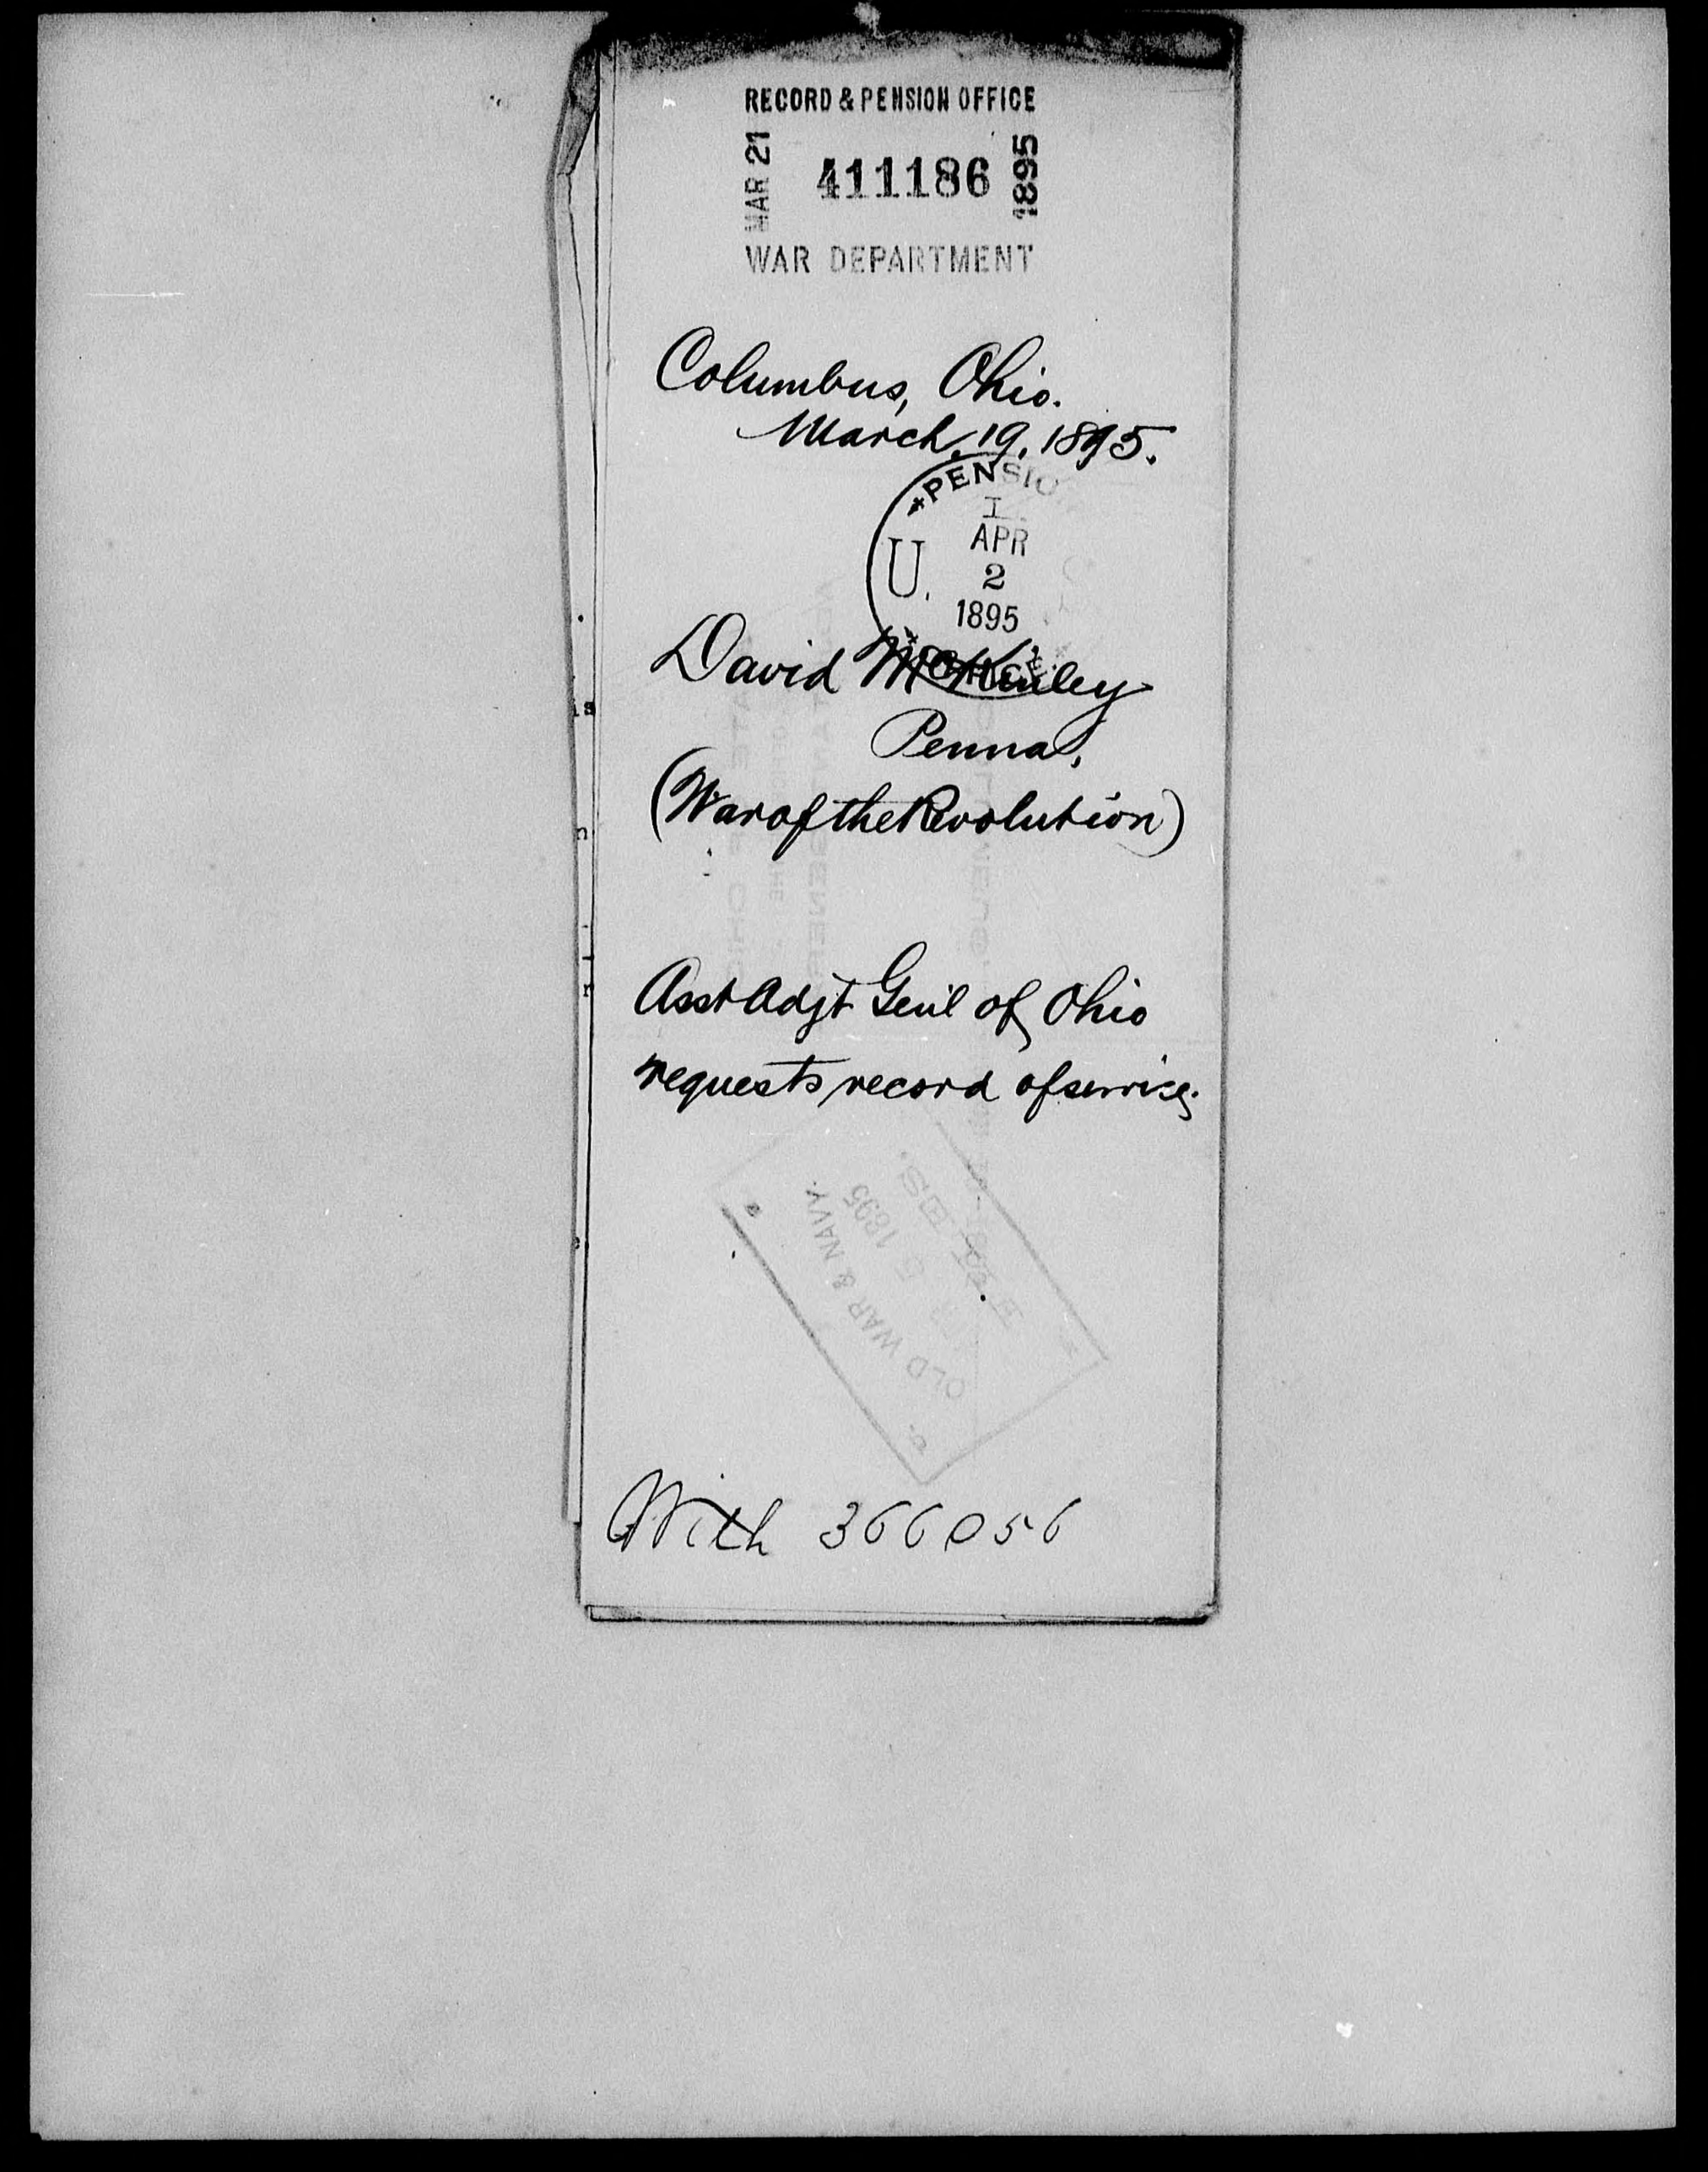[stamp]
RECORD & PENSION OFFICE
WAR DEPARTMENT
MAR 21
1895
411186

[handwritten]
Columbus, Ohio.
March 19, 1895.

[stamp]
U.S. PENSION OFFICE
L.
Apr 2 1895

[handwritten]
David McKinley
Penna.
(War of the Revolution)

Asst Adjt Genl of Ohio
requests record of service

[stamp]
OLD WAR & NAVY
FILES
[???] 5 1895

[handwritten]
With[?] 366056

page: 32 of 39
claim: survivor's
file: S. 2812, for David Mc Kinley, Pennsylvania